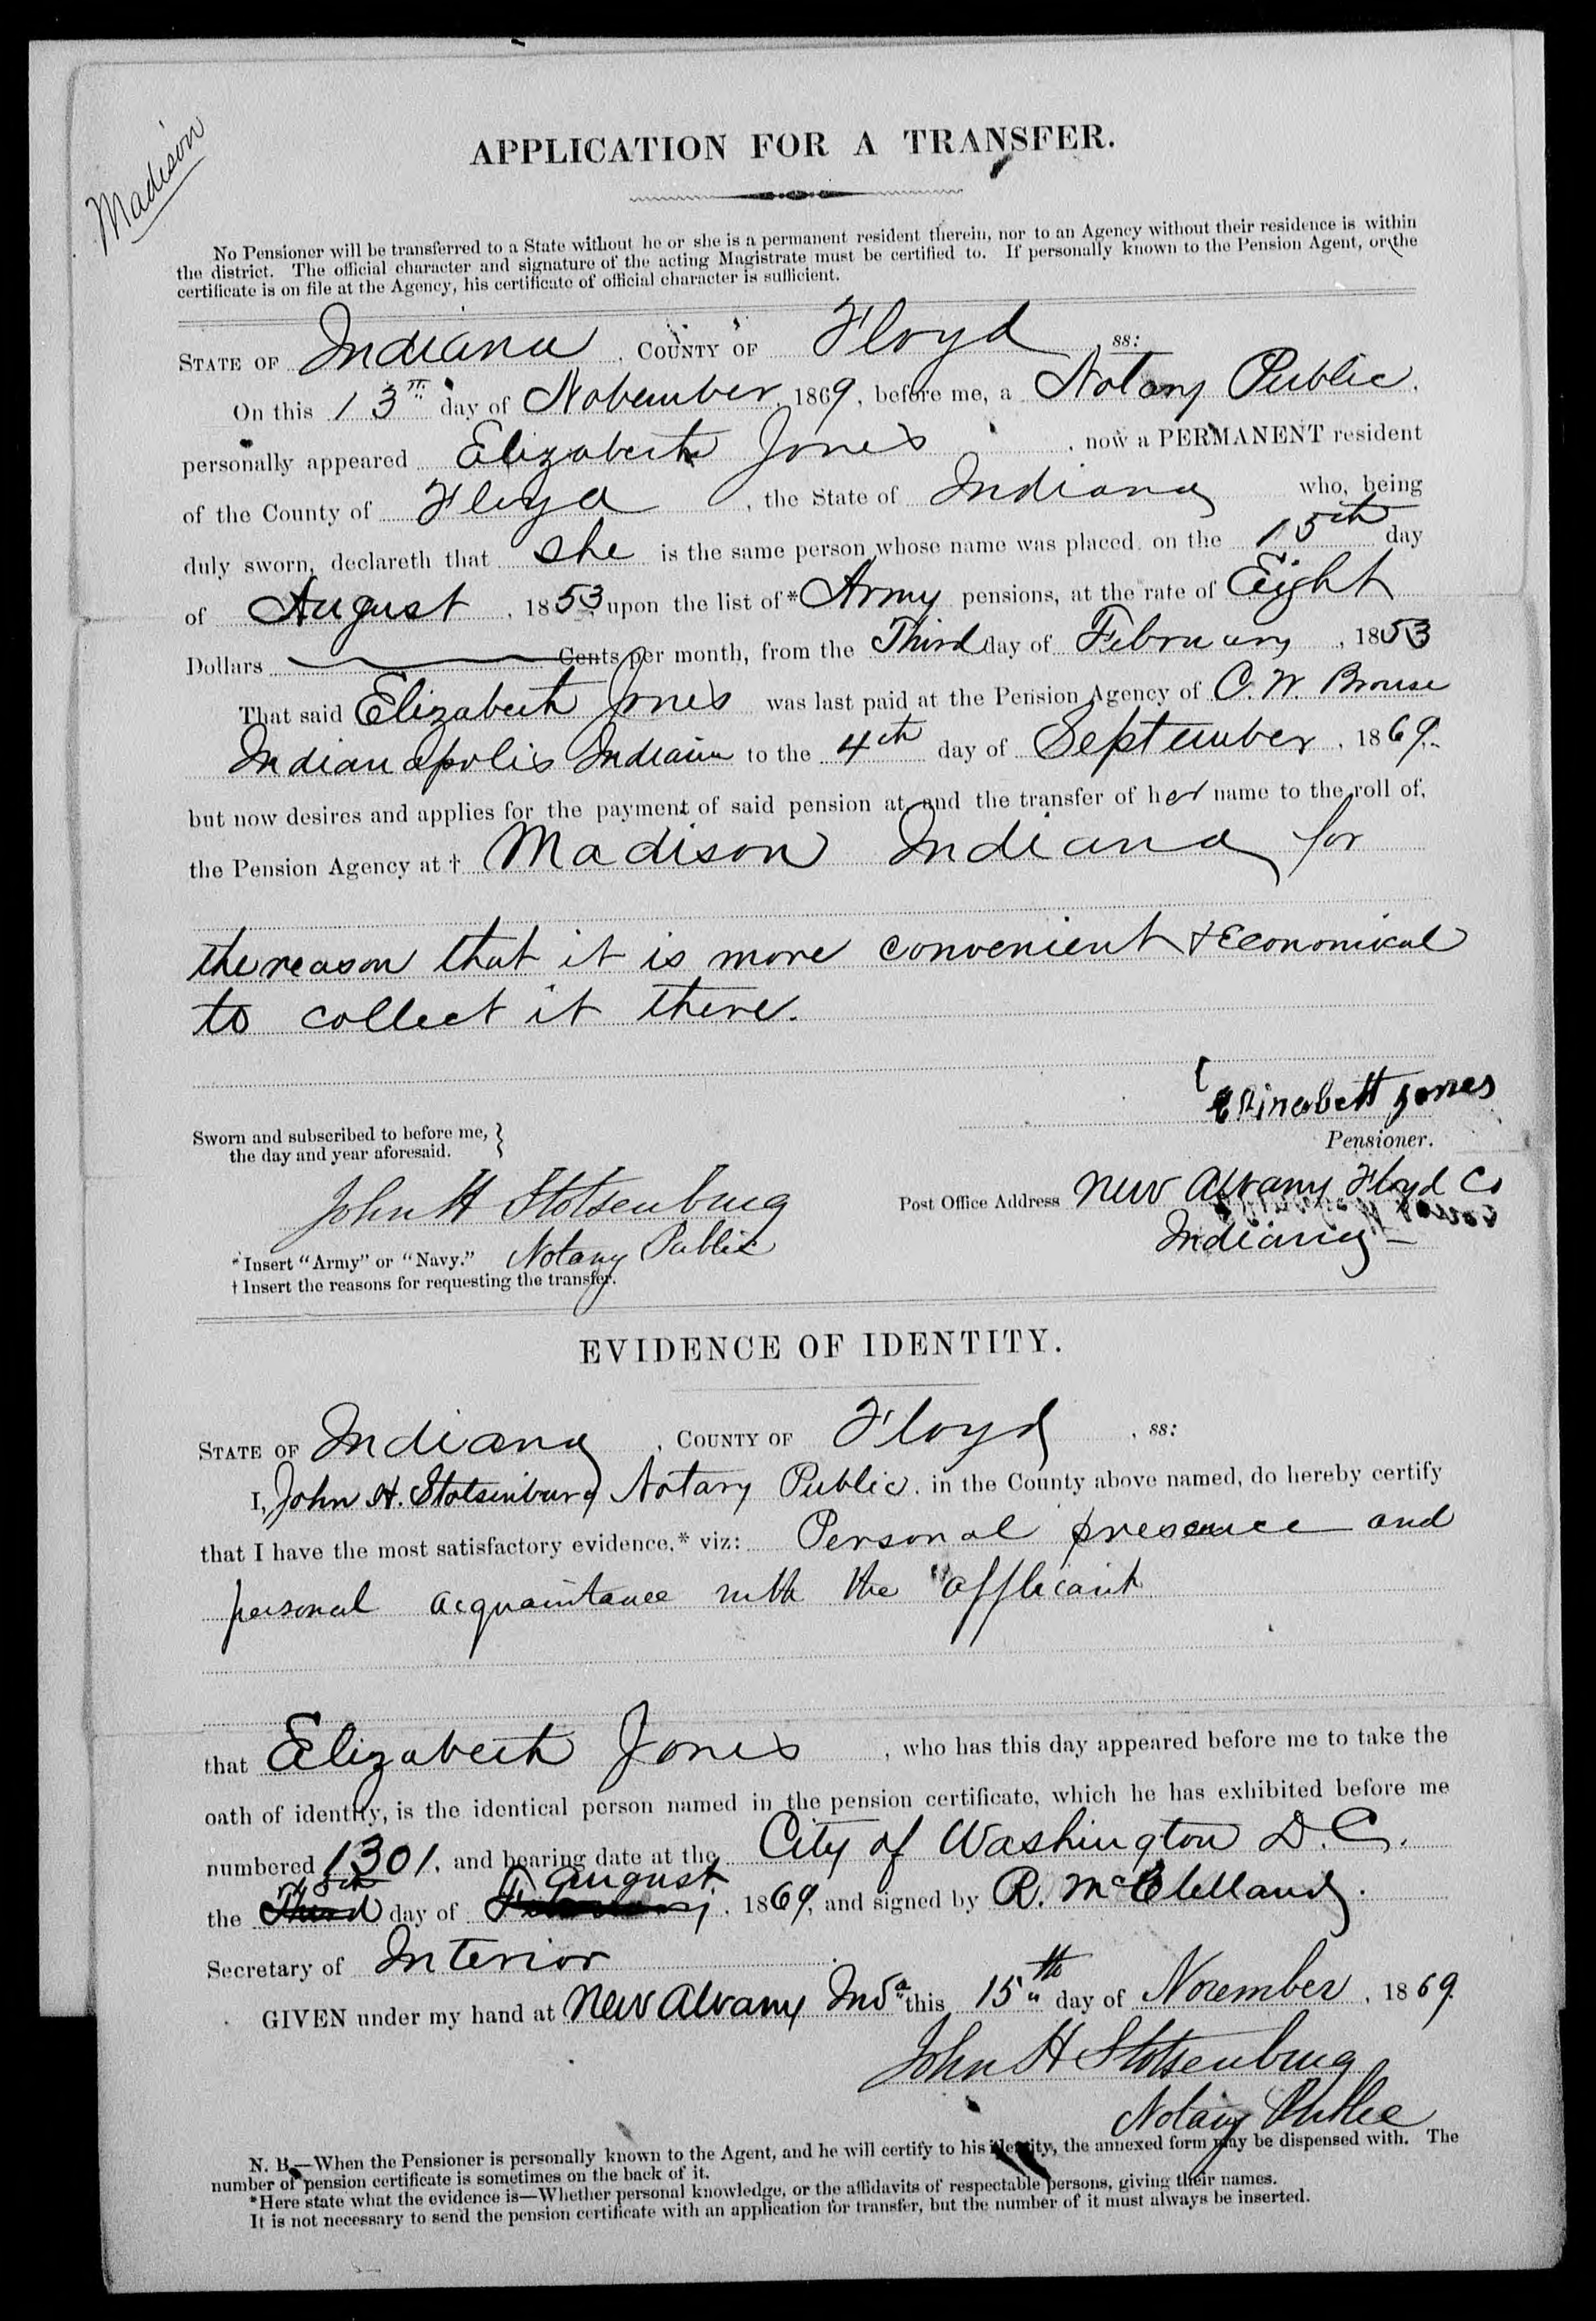Madison [underlined]
APPLICATION FOR A TRANSFER.
---
No Pensioner will be transferred to a State without he or she is a permanent resident therein, or to an Agency without their residence is within
the district. The official character and signature of the acting Magistrate must be certified to. If personally known to the Pension Agent, or the
certificate is on file at the Agency, his certificate of official character is sufficient.

STATE OF Indiana, COUNTY OF Floyd ss:
On this 13th day of November 1869 before me a Notary Public
personally appeared Elizabeth Jones
now a PERMANENT resident
of the County of Floyd
the State of Indiana
who, being,
duly sworn, declareth that she is the same person whose name was placed on the 5th day
of August 1853 upon the list of Army pensions, at the rate of Eight
Dollars -- cents per month, from the Third day of February, 1853
That said Elizabeth Jones was last paid at the Pension Agency of C.W. Prouse
Indianapolis Indiana to the 4th day of September 1869
but now desires and applies for the payment of said pension at and the transfer of her name to the roll of
the Pension Agency at Madison Indiana for
the reason that it is more convenient & economical
to collect it there
Elizabeth Jones
Pensioner.
Sworn and subscribed to before me, ┃
the day and year aforesaid.
John H Stotsenburg
"Insert "Army" or "Navy" Notary Public
Insert the reasons for requesting the transfer
Post Office Address New Albany Floyd Co
Indiana
EVIDENCE OF IDENTITY.
STATE of Indiana
COUNTY OF Floyd ss.
I, John H. Stotsenburg Notary Public in the County above named, do hereby certify
that I have the most satisfactory evidence, viz: Personal presence and
personal acquaintance with the applicant
that Elizabeth Jones
who has this day appeared before me to take the
oath of identity, is the identical person named in the pension certificate, which he has exhibited before me
numbered 1301, and bearing date at the City of Washington D.C.
the 15th day of August 1869, and signed by R. McClelland
Secretary of Interior
GIVEN under my hand at New Albany
In this 15th day of November 1869
John H Stotsenburg
Notary Public
N. B. When the Pensioner is personally known to the Agent, and he will certify to his or the annexed form may be dispensed with. The
number of pension certificate is sometimes on the back of it.
Here state what the evidence is -- Whether personal knowledge, or the affidavits of respectable persons, giving their names
It is not necessary to send the pension certificate with an application for transfer, but the number of it must always be inserted.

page: 42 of 62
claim: widow's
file: W. 765, for Richard L Jones, Connecticut